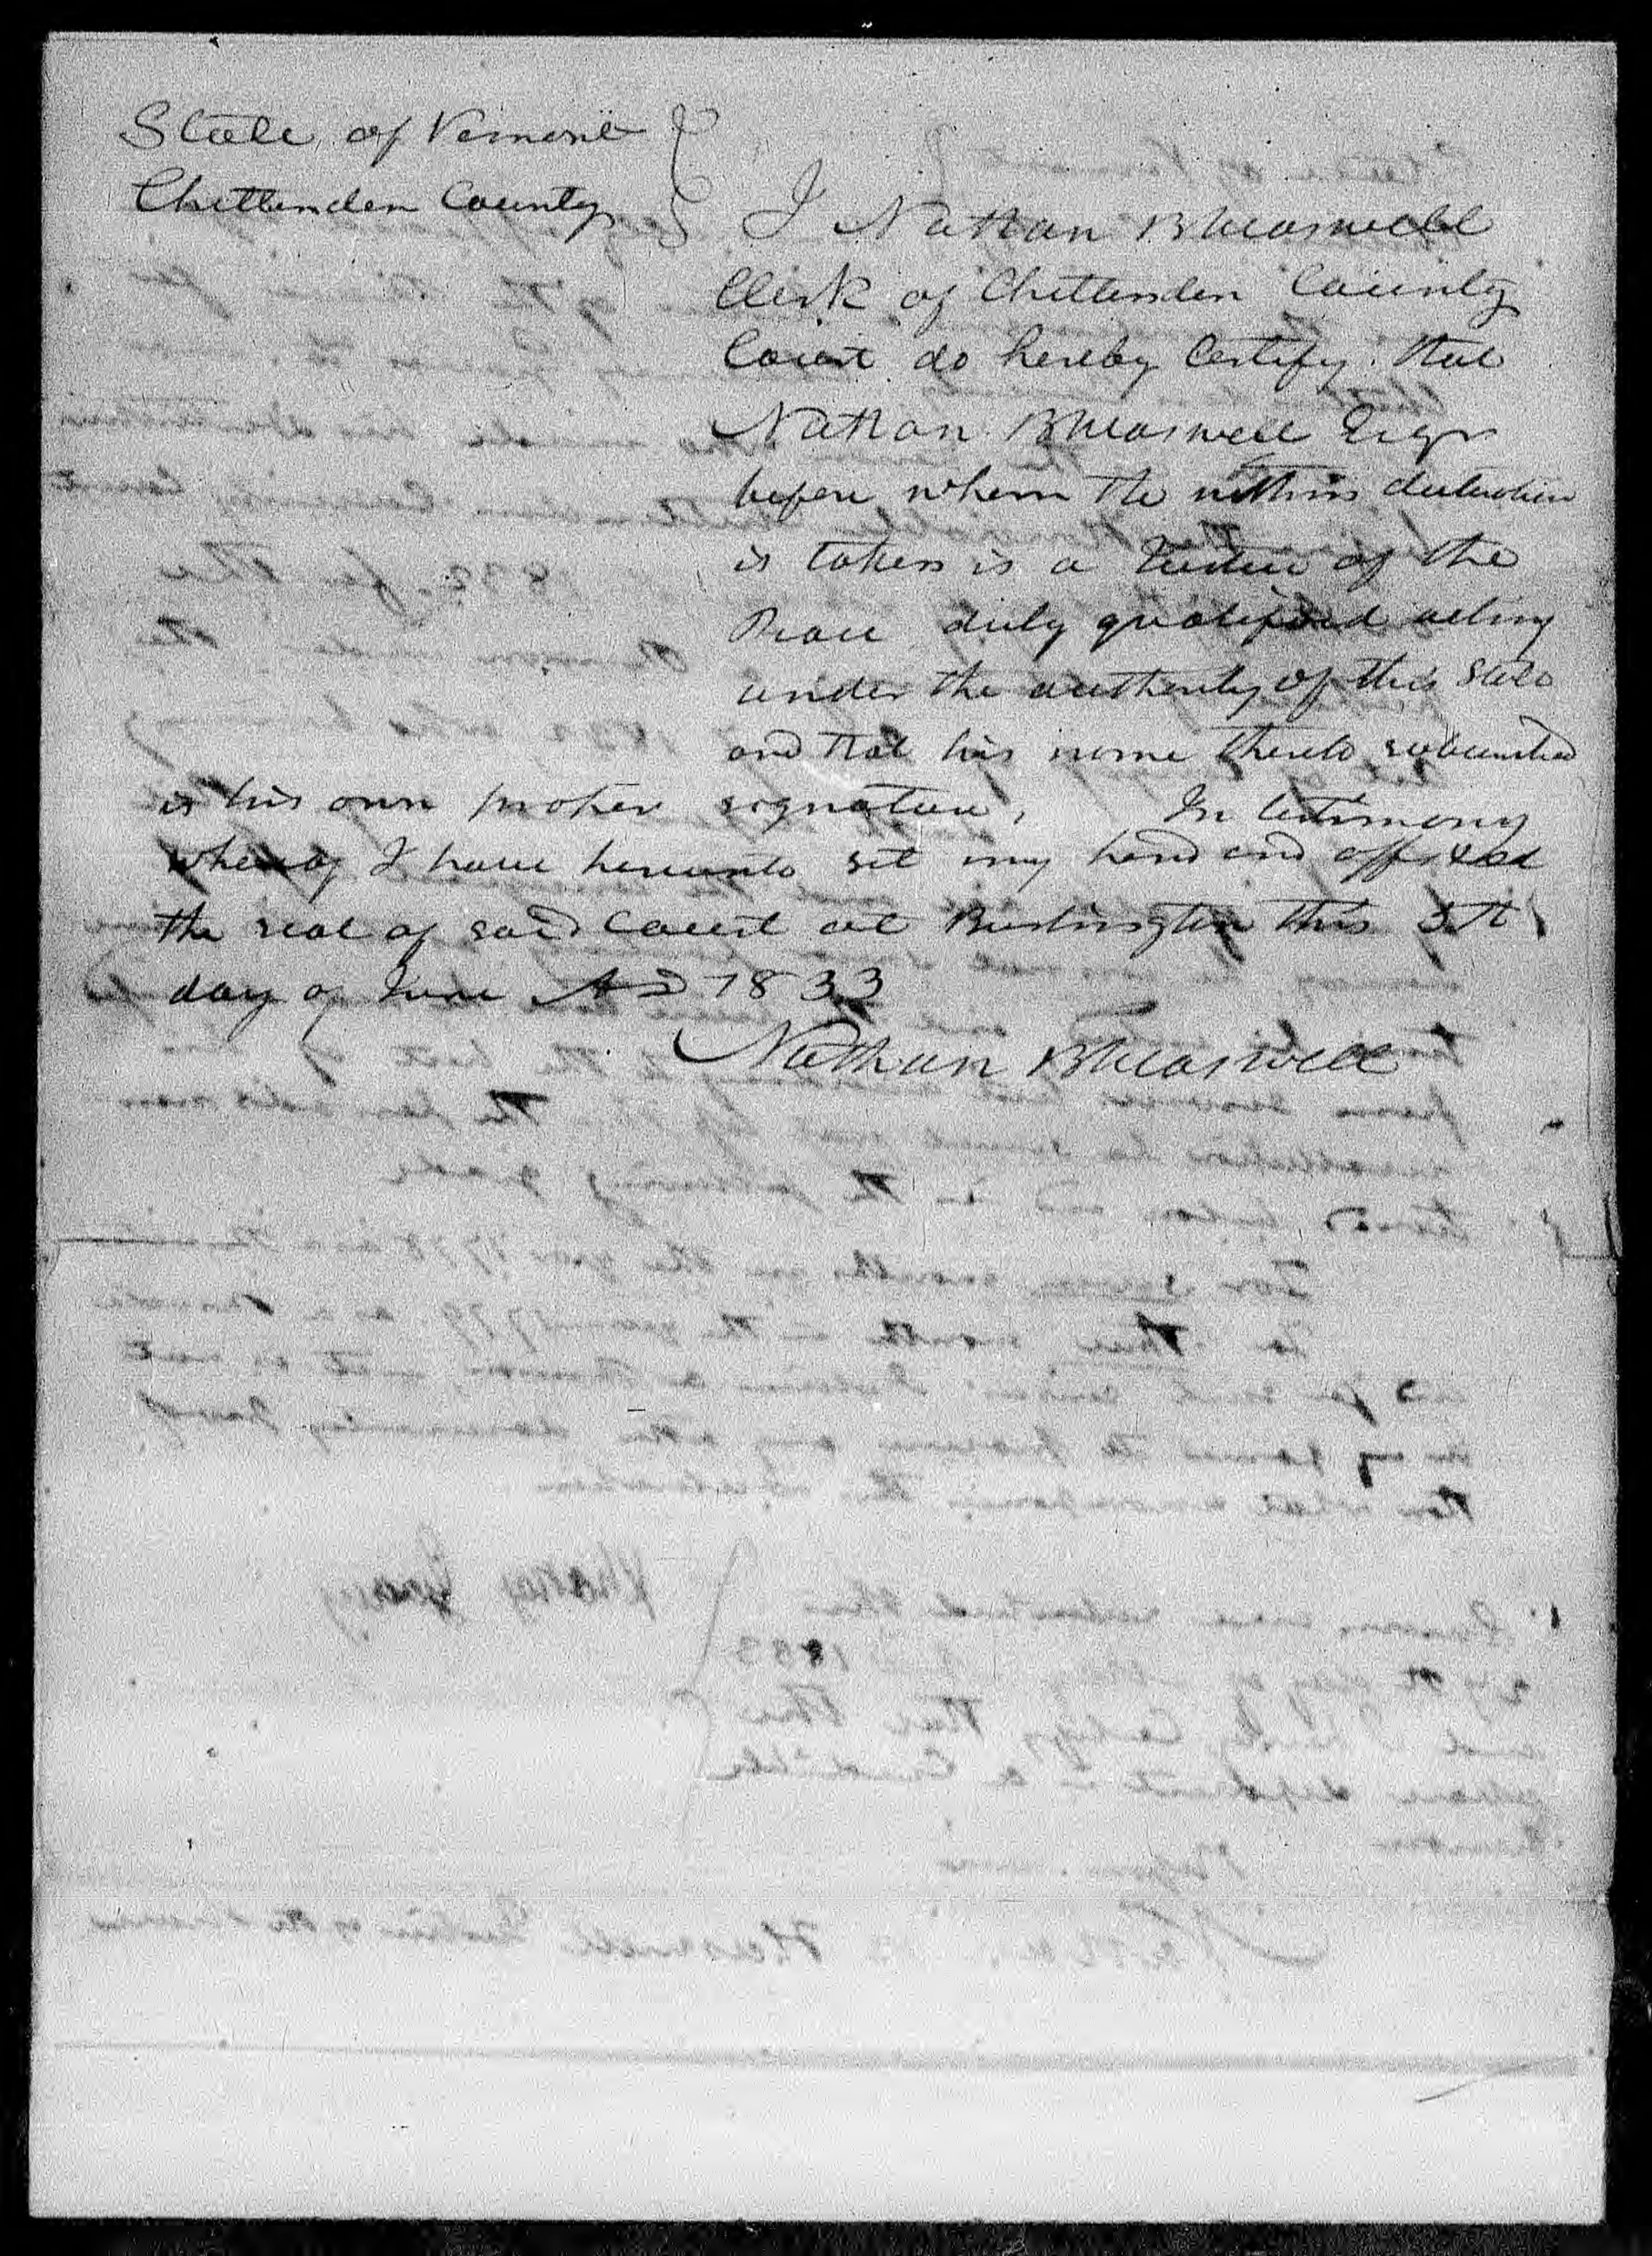State of Vermont
Chittenden County
I Nathan B. Maswell
Clerk of Chittenden County
Court do hereby certify that
Nathan B Maswell esquire
before whom the within declaration
is taken is a Justice of the
Peace duly qualified acting
under the authority of this State
and that his name thereto subscribed 
Is his own proper signature
In testimony whereof I have hereunto set my
hand and affixed the seal of said Court at Burlington this 5th 
day of June AD 1833
Nathan B. Maxwell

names: Nathan B Maswell, Nathan B Maswell, Nathan B Maswell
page: 18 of 24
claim: survivor's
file: S. 15869, Chauncey Graves, Vt.